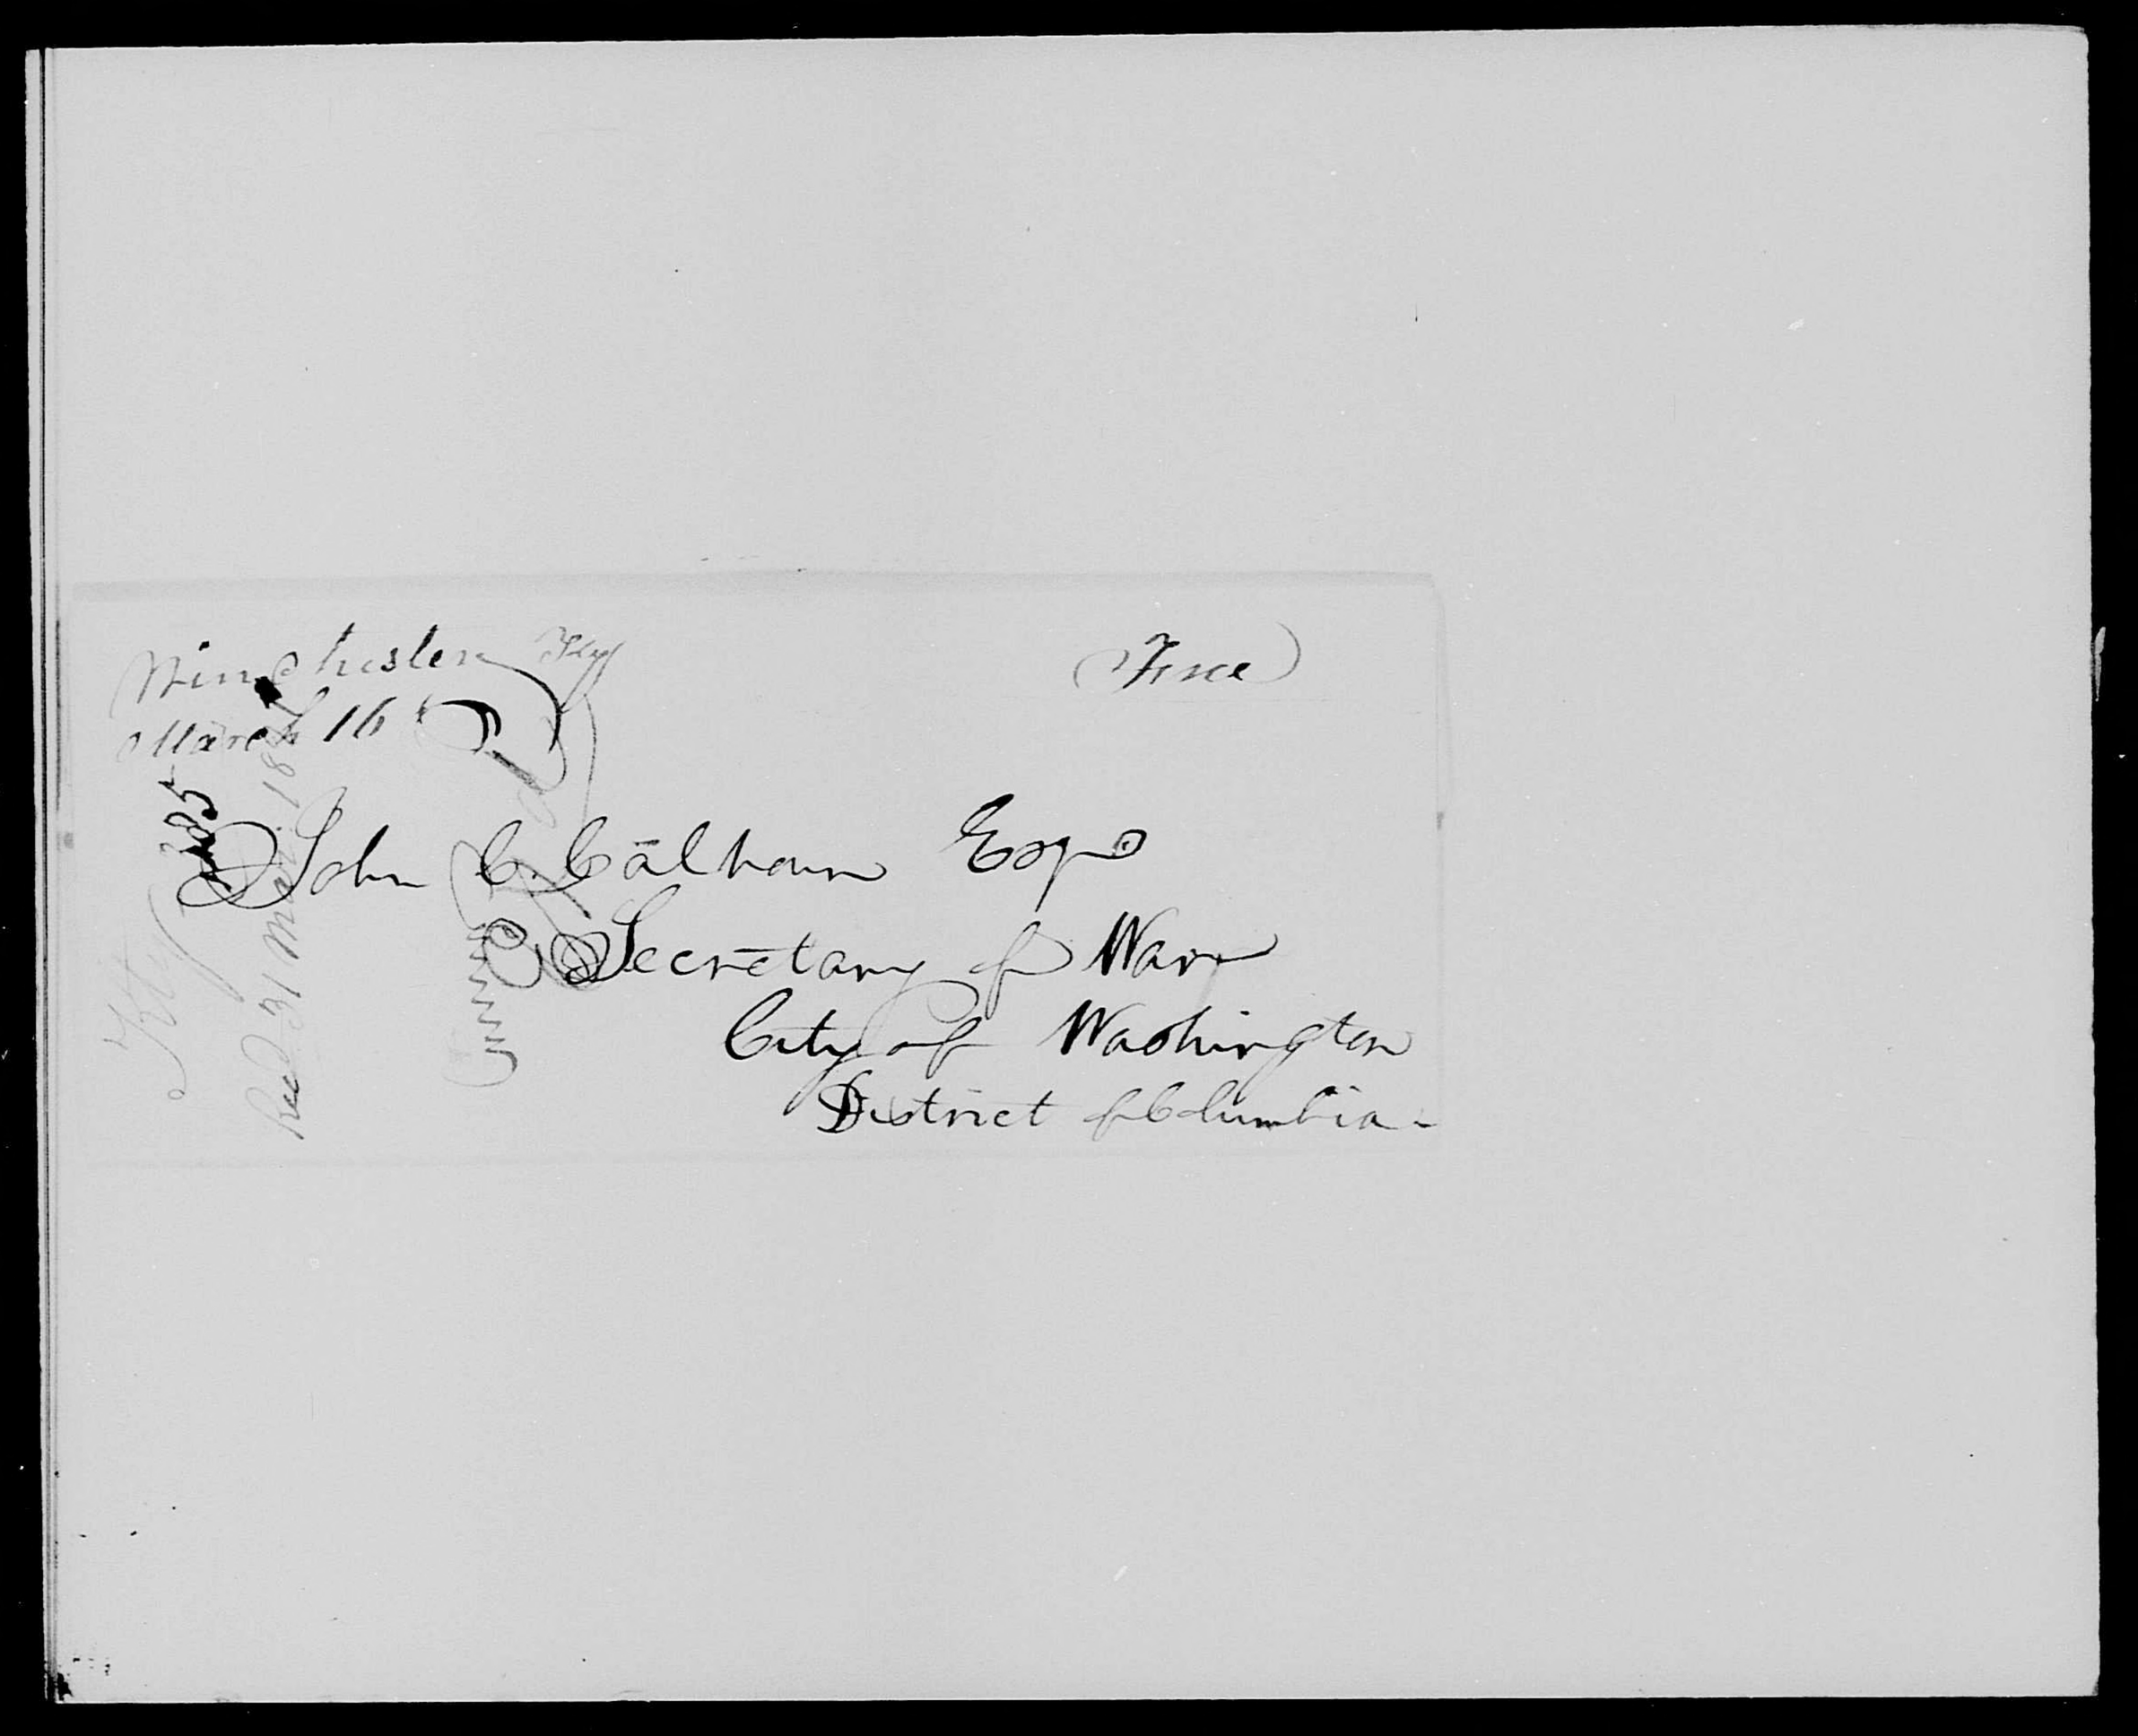Winchester Ky
Free
March 16
John C. Calhoun Esq
Secretary of War
City of Washington
District of Columbia

[written in left margin]
Kty 5
Recd 31 March 1821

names: John C Calham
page: 20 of 23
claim: survivor's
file: S 35903, John Dunn, Va.